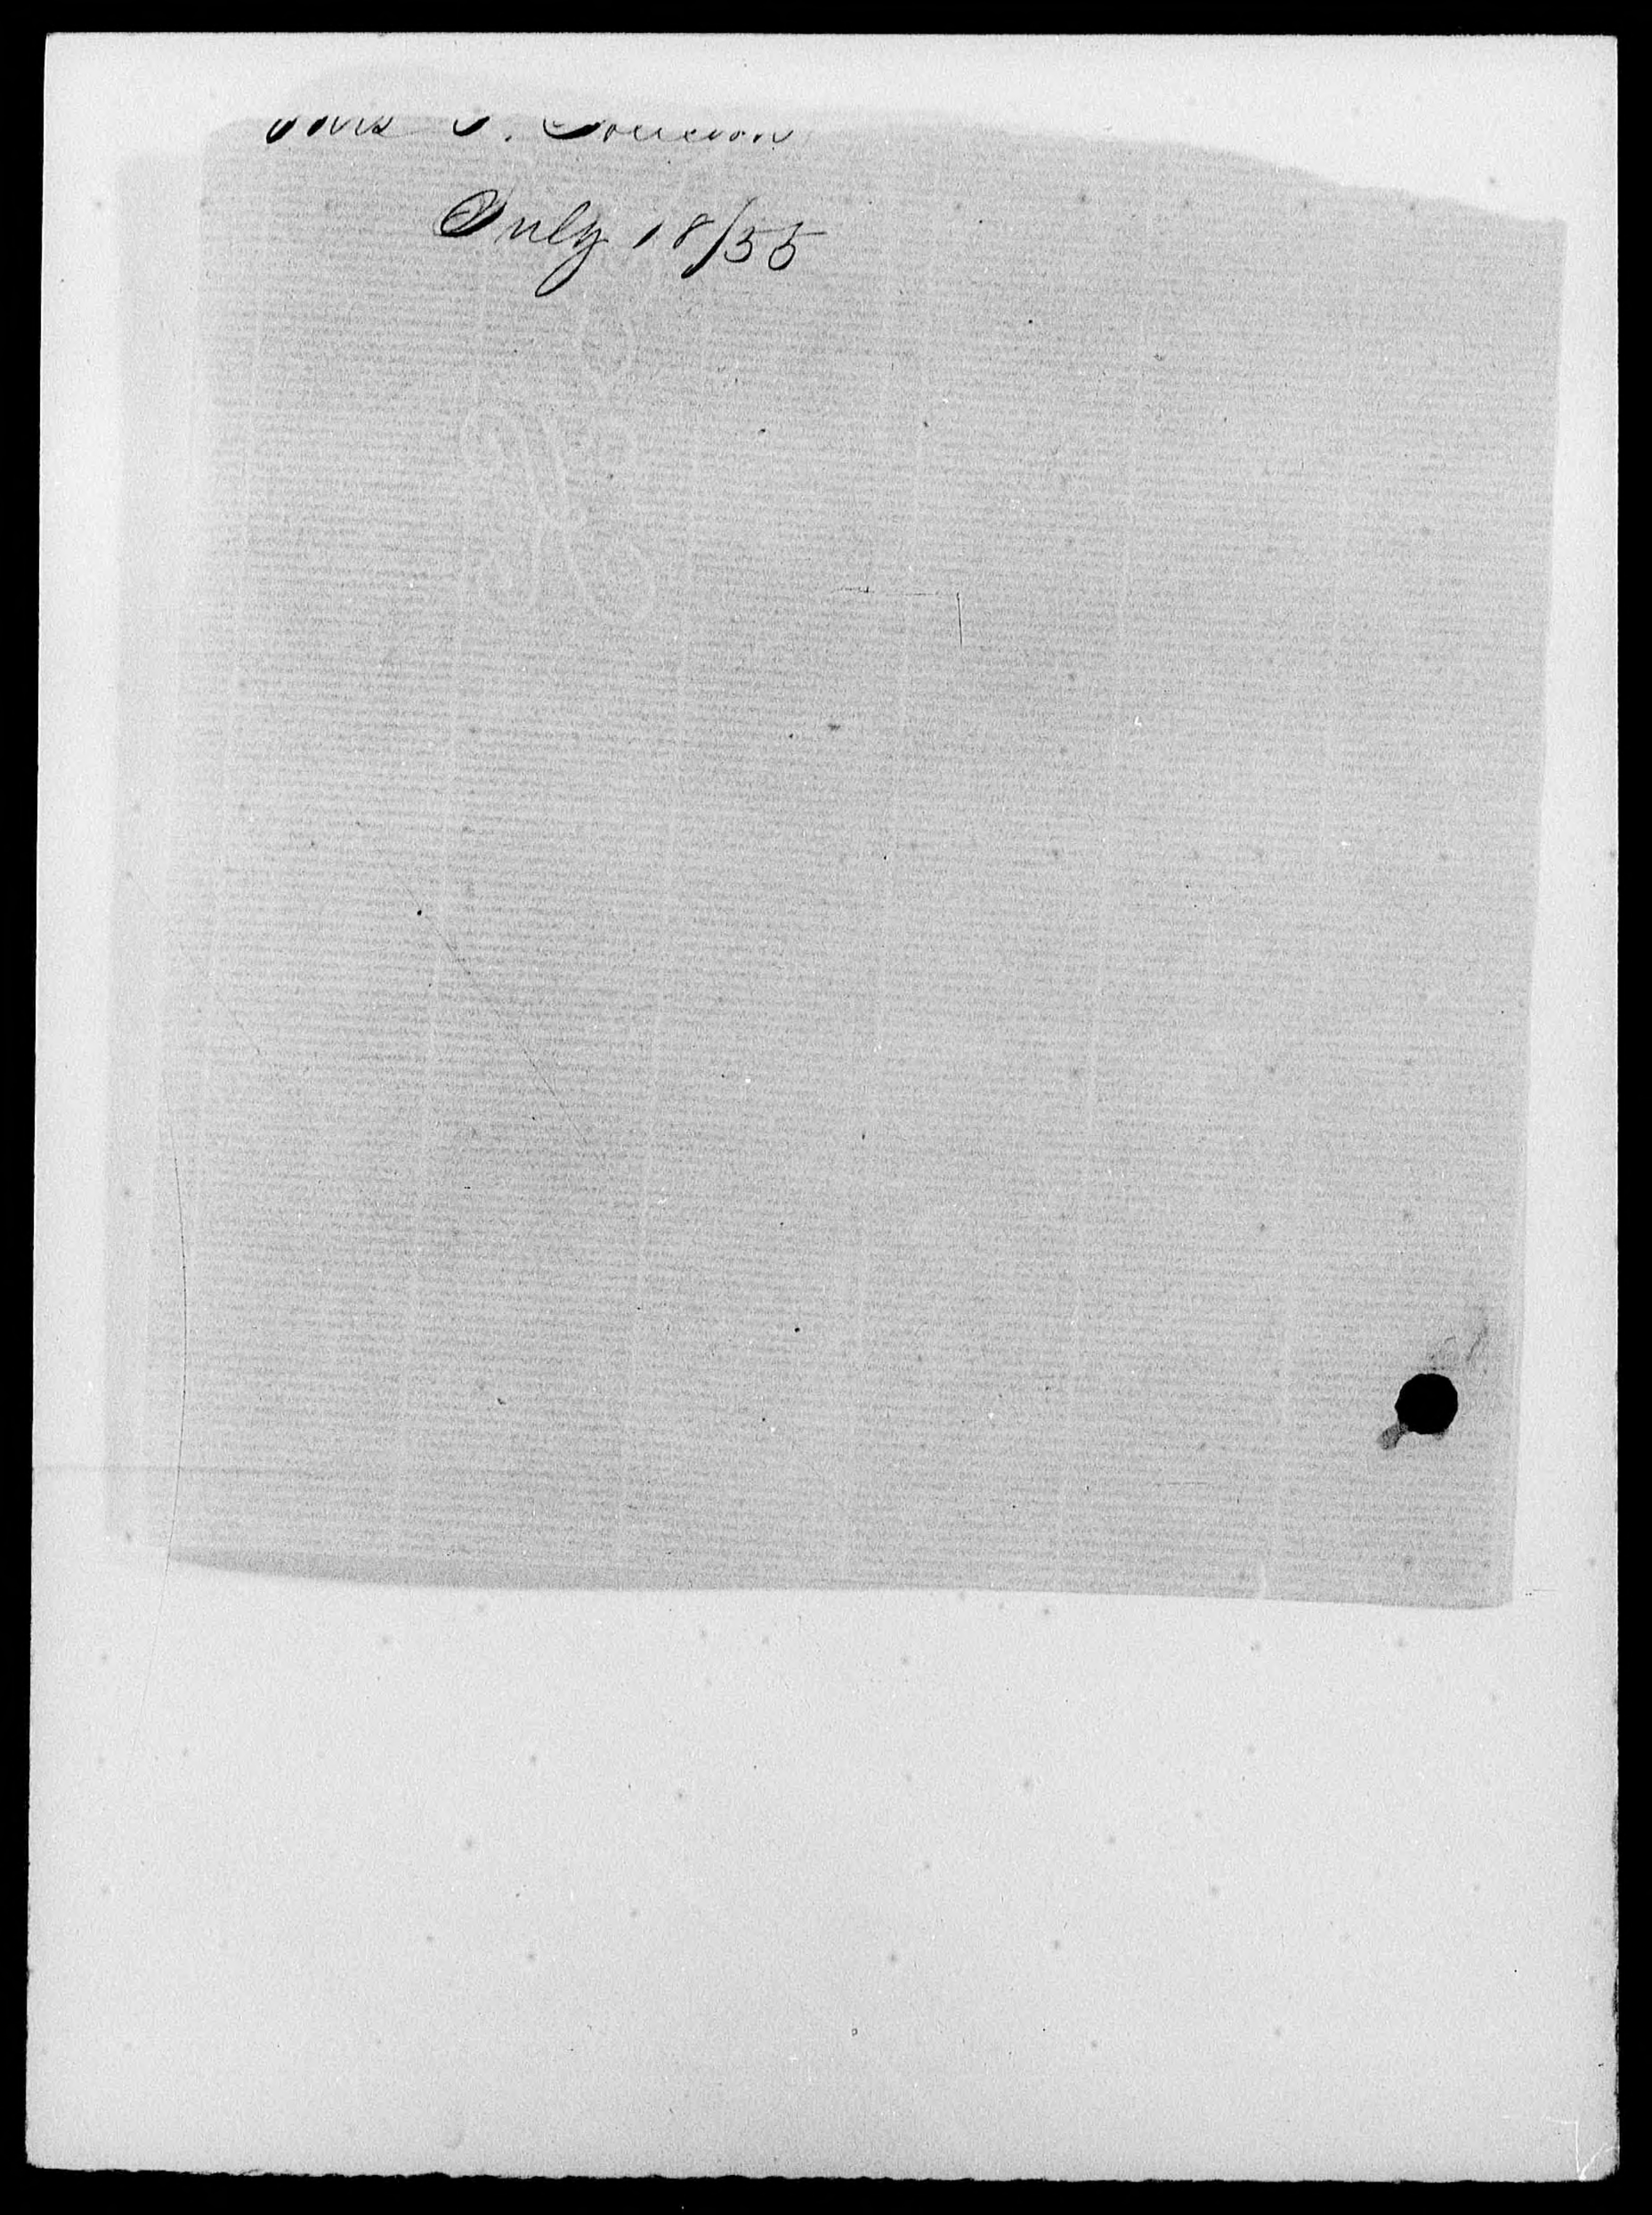[top of page appears torn cutting off name listed in Fold3 File--typed here as reference]
Mr. P. Allcorn

July 18/55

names: P Allcorn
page: 15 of 32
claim: rejected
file: R. 4655, Jesse Harris, N.C.